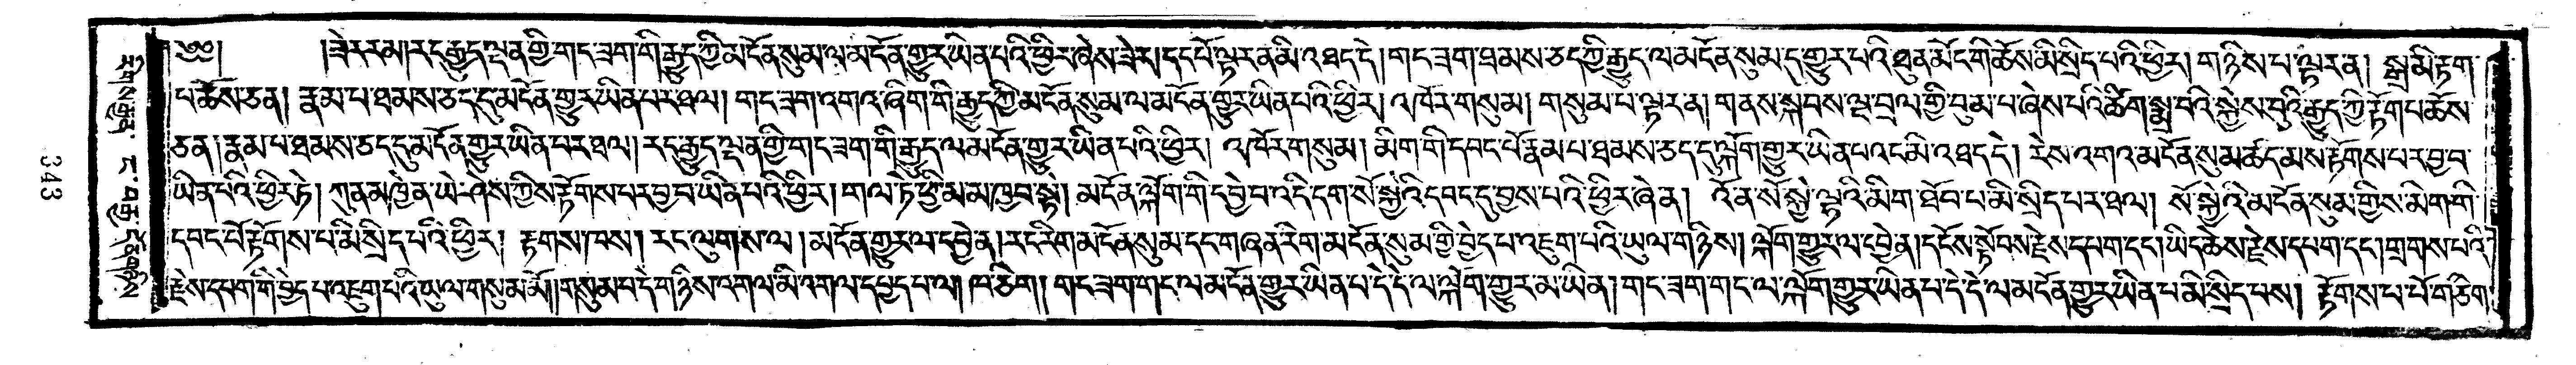༄༅། །ཟེར་རམ། རང་རྒྱུད་ལྡན་གྱི་གང་ཟག་གི་རྒྱུད་ཀྱི་མངོན་སུམ་ལ་མངོན་གྱུར་ཡིན་པའི་ཕྱིར་ཞེས་ཟེར། དང་པོ་ལྟར་ན་མི་འཐད་དེ། གང་ཟག་ཐམས་ཅད་ཀྱི་རྒྱུད་ལ་མངོན་སུམ་དུ་གྱུར་པའི་ཐུན་མོང་གི་ཆོས་མི་སྲིད་པའི་ཕྱིར། གཉིས་པ་ལྟར་ན། སྒྲ་མི་རྟག་
པ་ཆོས་ཅན། རྣམ་པ་ཐམས་ཅད་དུ་མངོན་གྱུར་ཡིན་པར་ཐལ། གང་ཟག་འགའ་ཞིག་གི་རྒྱུད་ཀྱི་མངོན་སུམ་ལ་མངོན་གྱུར་ཡིན་པའི་ཕྱིར། འཁོར་གསུམ། གསུམ་པ་ལྟར་ན། གནས་སྐབས་ལྔ་བྲལ་གྱི་བུམ་པ་ཞེས་པའི་ཚིག་སྨྲ་བའི་སྐྱེས་བུའི་རྒྱུད་ཀྱི་རྟོག་པ་ཆོས་
ཅན། རྣམ་པ་ཐམས་ཅད་དུ་མངོན་གྱུར་ཡིན་པར་ཐལ། རང་རྒྱུད་ལྡན་གྱི་གང་ཟག་གི་རྒྱུད་ལ་མངོན་གྱུར་ཡིན་པའི་ཕྱིར། འཁོར་གསུམ། མིག་གི་དབང་པོ་རྣམ་པ་ཐམས་ཅད་དུ་ལྐོག་གྱུར་ཡིན་པའང་མི་འཐད་དེ། རེས་འགའ་མངོན་སུམ་ཚད་མས་རྟོགས་པར་བྱ་བ་
ཡིན་པའི་ཕྱིར་ཏེ། ཀུན་མཁྱེན་ཡེ་ཤེས་ཀྱིས་རྟོགས་པར་བྱ་བ་ཡིན་པའི་ཕྱིར། གལ་ཏེ་ཕྱི་མ་མ་ཁྱབ་སྟེ། མངོན་ལྐོག་གི་དབྱེ་བ་འདི་དག་སོ་སྐྱེའི་དབང་དུ་བྱས་པའི་ཕྱིར་ཞེ་ན། འོ་ན་སོ་སྐྱེ་ལྷའི་མིག་ཐོབ་པ་མི་སྲིད་པར་ཐལ། སོ་སྐྱེའི་མངོན་སུམ་གྱིས་མིག་གི་
དབང་པོ་རྟོགས་པ་མི་སྲིད་པའི་ཕྱིར། རྟགས་ཁས། རང་ལུགས་ལ། མངོན་གྱུར་ལ་དབྱེ་ན། རང་རིག་མངོན་སུམ་དང་གཞན་རིག་མངོན་སུམ་གྱི་བྱེད་པ་འཇུག་པའི་ཡུལ་གཉིས། ལྐོག་གྱུར་ལ་དབྱེ་ན། དངོས་སྟོབས་རྗེས་དཔག་དང་། ཡིད་ཆེས་རྗེས་དཔག་དང་། གྲགས་པའི་
རྗེས་དཔག་གི་བྱེད་པ་འཇུག་པའི་ཡུལ་གསུམ་མོ། །གསུམ་པ་དེ་གཉིས་འགལ་མི་འགལ་དཔྱད་པ་ལ། ཁ་ཅིག །གང་ཟག་གང་ལ་མངོན་གྱུར་ཡིན་པ་དེ་དེ་ལ་ལྐོག་གྱུར་མ་ཡིན། གང་ཟག་གང་ལ་ལྐོག་གྱུར་ཡིན་པ་དེ་དེ་ལ་མངོན་གྱུར་ཡིན་པ་མི་སྲིད་པས། རྟོགས་པ་པོ་གཅིག་